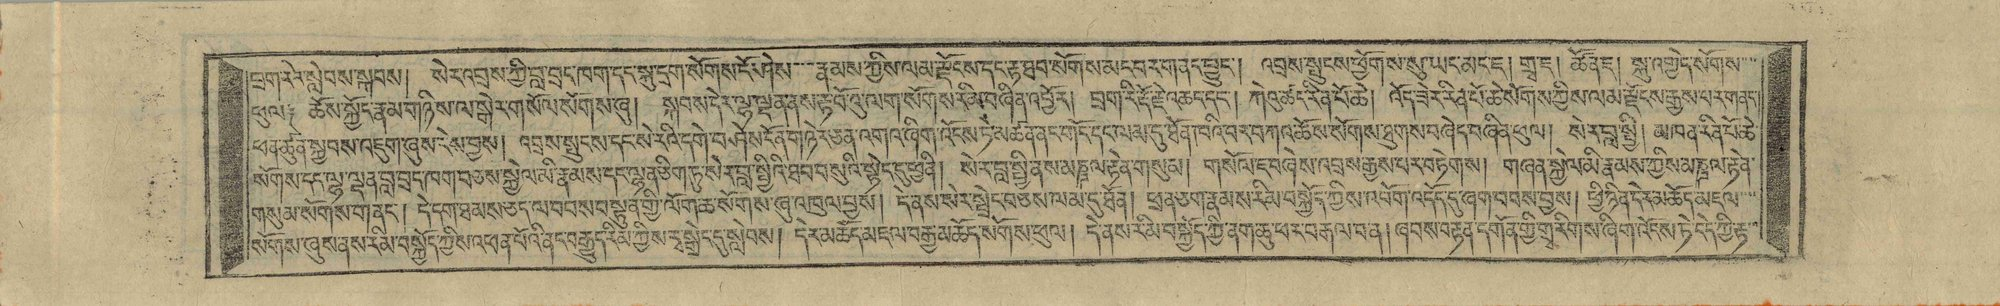བྲག་རེར་སླེབས་སྐབས། སེར་འབྲས་ཀྱི་བླ་བྲང་ཁག་དང་སྐུ་དྲག་སོགས་ངོ་ཤེས་རྣམས་ཀྱིས་ལམ་རྫོངས་དང་རྟ་ཐབ་སོགས་མང་བར་གནང་བྱུང་། འབྲས་སྤུངས་ཕྱོགས་སུ་ཡང་མང་ཇ། གྲྭ་ཇ། ཚོན་ཇ། སྐུ་འགྱེད་སོགས་
ཕུལ། ཆོས་སྐྱོང་རྣམས་གཉིས་ལ་སྒེར་གསོལ་སོགས་ཞུ། སྐབས་དེར་ལྷ་ལྡན་ནས་རྟ་བོ་འུ་ལག་སོགས་རིམ་བཞིན་འབྱོར། བྲག་རི་རྡོ་རྗེ་འཆང་དང་། ཀེའུ་ཚང་རིན་པོ་ཆེ། འོད་ཟེར་རིན་པོ་ཆེ་སོགས་ཀྱིས་ལམ་རྫོངས་རྒྱས་པར་གནང་།
ཕན་ཚུན་སྐྱབས་འཇུག་ཞུས་རེས་བྱས། འབྲས་སྤུངས་དང་སེ་རའི་དགེ་བཤེས་དོན་གཉེར་ཅན་འགའ་ཞིག་འོངས་ཏེ་མཚན་ནང་གོང་དང་ལམ་དུ་ཐོན་ཁའི་བར་བཀའ་ཆོས་སོགས་ཐུགས་བཞེད་བཞིན་ཕུལ། སེ་ར་བླ་སྤྱི། མཁན་རིན་པོ་ཆེ་
སོགས་དང་ལྷ་ལྡན་བླ་བྲང་ཁག་བཅས་སྐྱེལ་མི་རྣམས་དང་ལྷན་ཅིག་ཏུ་སེ་ར་བླ་སྤྱིའི་ཐབ་བསུའི་སྟེང་དུ་ཕྱིན། སེ་ར་བླ་སྤྱི་ནས་མཎྜལ་རྟེན་གསུམ། གསོལ་ཇ་བཞེས་འབྲས་རྒྱས་པར་བཏེགས། གཞན་སྐྱེལ་མི་རྣམས་ཀྱིས་མཎྜལ་རྟེན་
གསུམ་སོགས་གནང་། དེ་དག་ཐམས་ཅད་ལ་བབས་བསྟུན་གྱི་ལོག་ཆ་སོགས་ཞུ་འཁུལ་བྱས། དེ་ནས་སེར་སྦྲེང་བཅས་ལམ་དུ་ཐོན། ཕྲན་ཅག་རྣམས་རིམ་བསྐྱོད་ཀྱིས་འབོག་འདོད་དུ་ཞག་བབས་བྱས། ཕྱི་ཉིན་དེར་མཆོད་མཇལ་
སོགས་ཞུས་ནས་རིམ་བསྐྱོད་ཀྱིས་འཕན་པོའི་ནང་བརྒྱུད་རིམ་གྱིས་རྭ་སྒྲེང་དུ་སླེབས། དེར་མཆོད་མཇལ་བརྒྱ་མཆོད་སོགས་ཕུལ། དེ་ནས་རིམ་བསྐྱོད་ཀྱི་ནག་ཆུ་ཕར་བརྒལ་བ་ན། ཞབས་བརྟན་དགོན་གྱི་གྲྭ་རིགས་ཞིག་འོངས་ཏེ་ངེད་ཀྱི་རྟ་